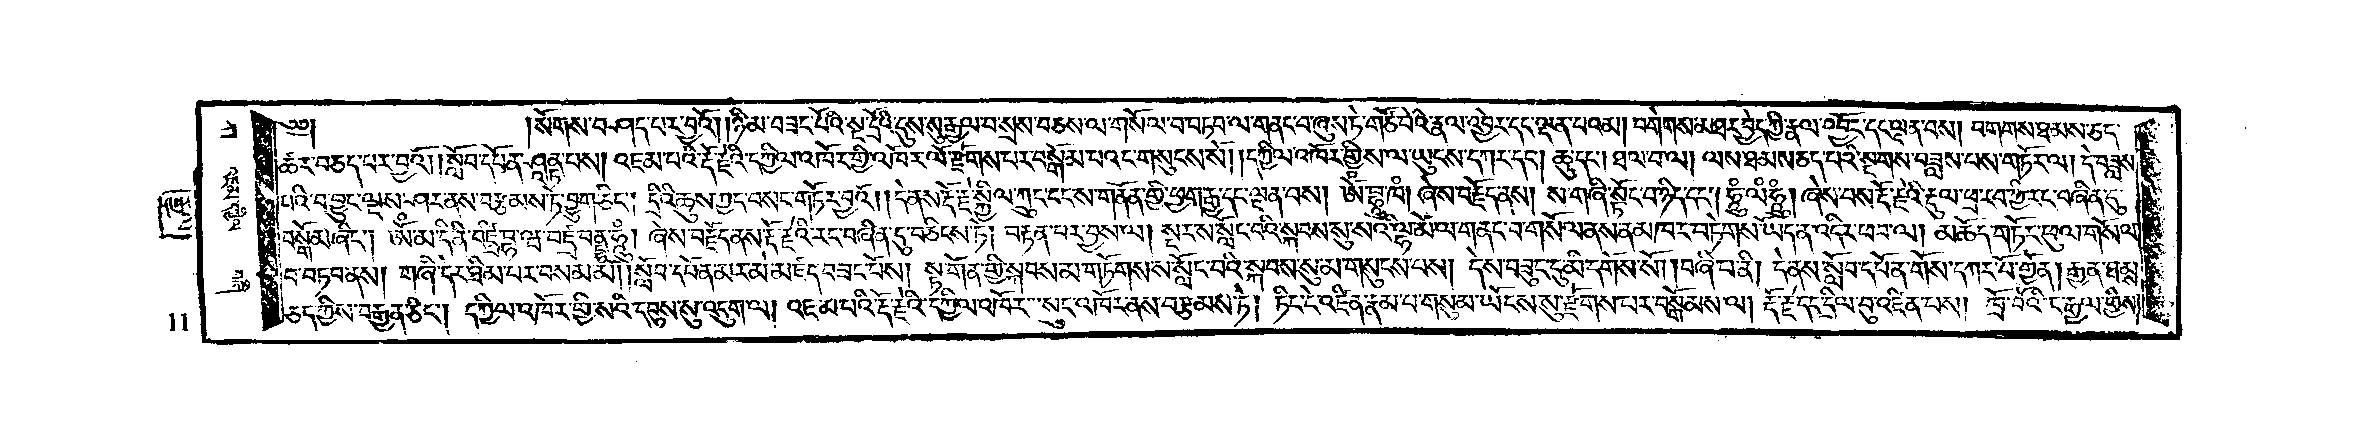༄༅། །སོགས་བཤད་པར་བྱའོ། །ཉི་མ་བཟང་པོའི་སྔ་དྲོའི་དུས་སུ་རྒྱལ་བ་སྲས་བཅས་ལ་གསོལ་བ་བཏབ་ལ་གནང་བ་ཞུས་ཏེ་གཙོ་བོའི་རྣལ་འབྱོར་དང་ལྡན་པའམ། བགེགས་མཐར་བྱེད་ཀྱི་རྣལ་འབྱོར་དང་ལྡན་པས། འགགས་ཐམས་ཅད་
ཚར་བཅད་པར་བྱའོ། །སློབ་དཔོན་ཤཱནྟ་པས། འཇམ་པའི་རྡོ་རྗེའི་དཀྱིལ་འཁོར་གྱི་འཁོར་ལོ་རྫོགས་པར་བསྒོམ་པའང་གསུངས་སོ། །དཀྱིལ་འཁོར་གྱི་ས་ལ་ཡུངས་དཀར་དང་། ཆུ་དང་། ཐལ་བ་ལ། ལས་ཐམས་ཅད་པའི་སྔགས་བཟླས་པས་གཏོར་ལ། དེ་བཟླས་
པའི་བ་བྱུང་ལྔས་ཤར་ནས་བརྩམས་ཏེ་བྱུག་ཅིང་། དྲིའི་ཆུས་ཀྱང་བསང་གཏོར་བྱའོ། །དེ་ནས་རྡོ་རྗེ་སྐྱིལ་ཀྲུང་དང་ས་གནོན་གྱི་ཕྱག་རྒྱ་དང་ལྡན་པས། ཨོཾ་བྷཱུ་ཁཾ། ཞེས་བརྗོད་ནས། ས་གཞི་སྟོང་པ་ཉིད་དང་། ཧཱུཾ་ལཾ་ཧཱུཾ། ཞེས་པས་རྡོ་རྗེའི་རྡུལ་ཕྲ་རབ་ཀྱི་རང་བཞིན་དུ་
བསྒོམ་ཞིང་། ཨོཾ་མ་དི་ནི་བྫྲི་བྷ་ཝ་བྫྲ་བནདྷ་ཧཱུཾ། ཞེས་བརྗོད་ནས་རྡོ་རྗེའི་རང་བཞིན་དུ་བཅིངས་ཏེ། བརྟན་པར་བྱས་ལ། སྔར་ས་སློང་བའི་སྐབས་སུ་སའི་ལྷ་མོ་ལ་གནང་བ་གསོལ་ནས་ནམ་མཁར་བཏེགས་ཡོད་ན་འདིར་ཕབ་ལ། མཆོད་གཏོར་ཕུལ་གསོལ་
བ་བཏབ་ནས། གཞི་དེར་ཐིམ་པར་བསམ་མོ། །སློབ་དཔོན་མར་མེ་མཛད་བཟང་པོས། སྟ་གོན་གྱི་སྐབས་མ་གཏོགས་ས་སློང་བའི་སྐབས་སུ་མ་གསུངས་པས། དེས་བཟུང་དུ་མི་དགོས་སོ། །བཞི་པ་ནི། དེ་ནས་སློབ་དཔོན་གོས་དཀར་པོ་གྱོན། རྒྱན་ཐམས་
ཅད་ཀྱིས་བརྒྱན་ཅིང་། དཀྱིལ་འཁོར་གྱི་སའི་དབུས་སུ་འདུག་ལ། འཇམ་པའི་རྡོ་རྗེའི་དཀྱིལ་འཁོར་སྲུང་འཁོར་ནས་བརྩམས་ཏེ། ཏིང་ངེ་འཛིན་རྣམ་པ་གསུམ་ཡོངས་སུ་རྫོགས་པར་བསྒོམས་ལ། རྡོ་རྗེ་དང་དྲིལ་བུ་འཛིན་པས། ཁྲོ་བོའི་ང་རྒྱལ་གྱིས་